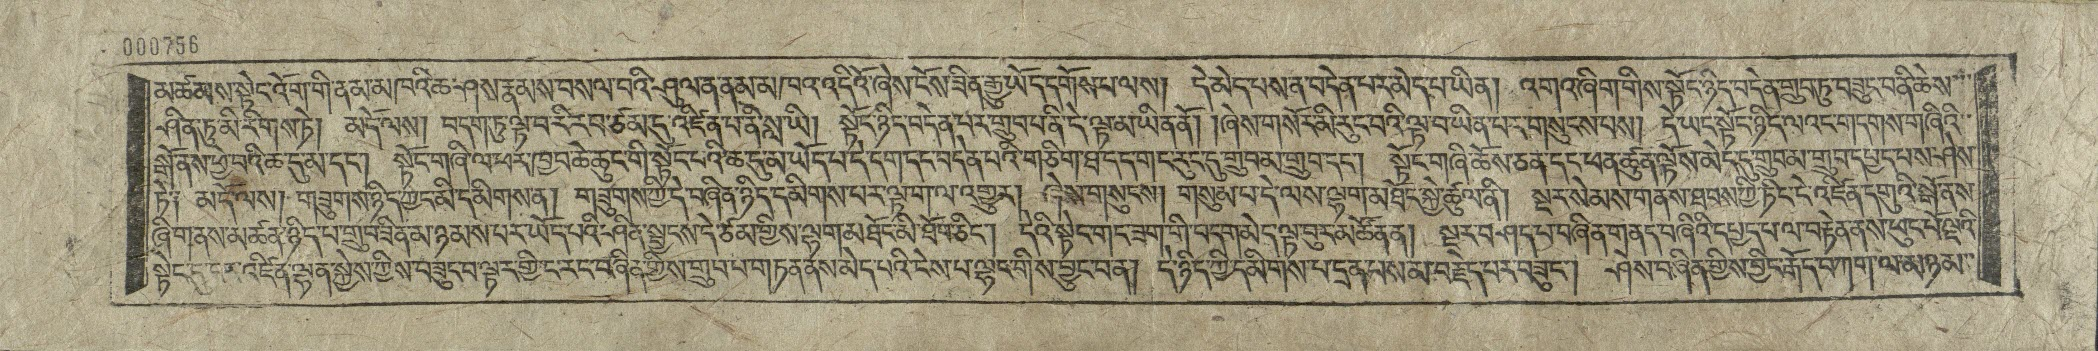མཚམས་སྟེང་འོག་གི་ནམ་མཁའི་ཆ་ཤས་རྣམས་བསལ་བའི་ཤུལ་ན་ནམ་མཁའ་འདིའོ་ཞེས་ངོས་ཟིན་རྒྱུ་ཡོད་དགོས་པ་ལས། དེ་མེད་པས་ན་བདེན་པར་མེད་པ་ཡིན། འགའ་ཞིག་གིས་སྟོང་ཉིད་བདེན་གྲུབ་ཏུ་བཟུང་བ་ནི་ཆེས་
ཤིན་ཏུ་མི་རིགས་ཏེ། མདོ་ལས། བདག་ཏུ་ལྟ་བ་རི་རབ་ཙམ་དུ་འཛིན་པ་ནི་སླ་ཡི། སྟོང་ཉིད་བདེན་པར་གྲུབ་པ་ནི་དེ་ལྟ་མ་ཡིན་ནོ། །ཞེས་གསོར་མི་རུང་བའི་ལྟ་བ་ཡིན་པར་གསུངས་པས། དེ་ཡང་སྟོང་ཉིད་ལའང་གདགས་གཞིའི་
སྒོ་ནས་ཕྱེ་བའི་ཆ་དུ་མ་དང་། སྟོང་གཞི་ལ་ཕར་ཁྱབ་ཆེ་ཆུང་གི་སྟོང་པའི་ཆ་དུ་མ་ཡོད་པ་དེ་དག་དང་བདེན་པའི་གཅིག་ཐ་དད་གང་རུང་དུ་གྲུབ་མ་གྲུབ་དང་། སྟོང་གཞི་ཆོས་ཅན་དང་ཕན་ཚུན་ལྟོས་མེད་དུ་གྲུབ་མ་གྲུབ་དཔྱད་པས་ཤེས་
ཏེ༑ མདོ་ལས། གཟུགས་ཉིད་ཀྱང་མི་དམིགས་ན། གཟུགས་ཀྱི་དེ་བཞིན་ཉིད་དམིགས་པར་ལྟ་ག་ལ་འགྱུར། ཞེས་གསུངས། གསུམ་པ་དེ་ལས་ལྷག་མཐོང་སྐྱེ་ཚུལ་ནི། སྔར་སེམས་གནས་ཐབས་ཀྱི་ཏིང་ངེ་འཛིན་དགུའི་སྒོ་ནས་
ཞི་གནས་མཚན་ཉིད་པ་གྲུབ་ཟིན་མ་ཉམས་པར་ཡོད་པའི་ཤིན་སྦྱངས་དེ་ཙམ་གྱིས་ལྷག་མཐོང་མི་ཐོབ་ཅིང་། དེའི་སྟེང་གང་ཟག་གི་བདག་མེད་ལྟ་བུར་མཚོན་ན། སྔར་བཤད་པ་བཞིན་གནད་བཞིའི་དཔྱད་པ་ལ་བརྟེན་ནས་ཕུང་པོ་ལྔའི་
སྟེང་དུ་ངར་འཛིན་ལྷན་སྐྱེས་ཀྱིས་བཟུང་བ་ལྟར་གྱི་ང་རང་བཞིན་གྱིས་གྲུབ་པ་གཏན་ནས་མེད་པའི་ངེས་པ་ལྷང་གིས་བྱུང་བ་ན། དེ་ཉིད་ཀྱི་དམིགས་པ་དྲན་པས་མ་བརྗེད་པར་བཟུང་། ཤེས་བཞིན་གྱིས་བྱིང་རྒོད་བཀག་ལ་མཉམ་